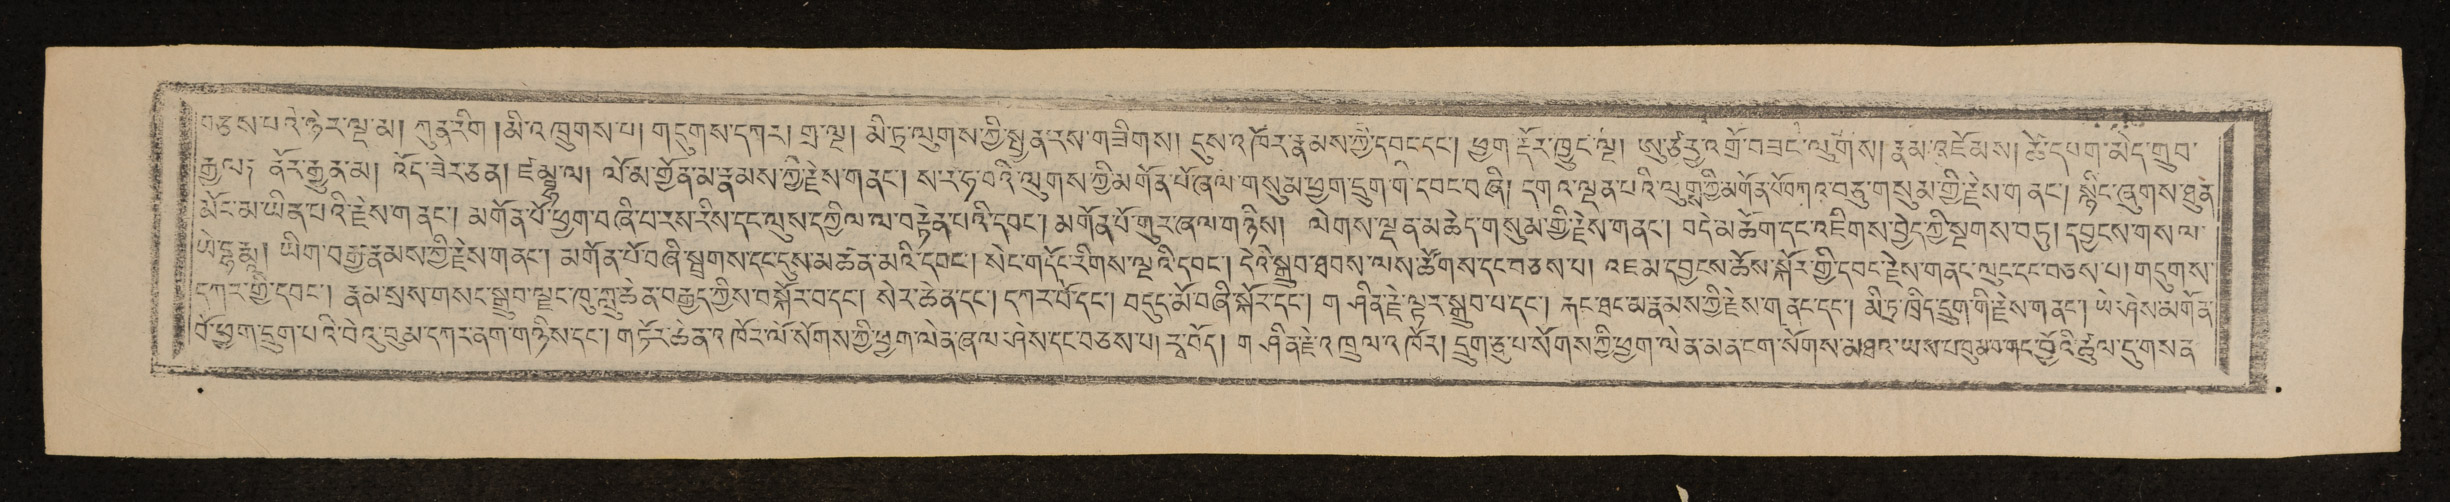བཅས་པའི་ཉེར་ལྔ་མ། ཀུན་རིག །མི་འཁྲུགས་པ། གདུགས་དཀར། གྲྭ་ལྔ། མི་ཏྲ་ལུགས་ཀྱི་སྤྱན་རས་གཟིགས། དུས་འཁོར་རྣམས་ཀྱི་དབང་དང་། ཕྱག་རྡོར་ཁྱུང་ལྔ། ཨུ་ཙརྱ་འགྲོ་བཟང་ལུགས། རྣམ་འཇོམས། ཚེ་དཔག་མེད་གྲུབ་
རྒྱལ༑ ནོར་རྒྱུན་མ། འོད་ཟེར་ཅན། ཛམྦྷ་ལ། ལོ་མ་གྱོན་མ་རྣམས་ཀྱི་རྗེས་གནང་། ས་ར་ཧ་བའི་ལུགས་ཀྱི་མགོན་པོ་ཞལ་གསུམ་ཕྱག་དྲུག་གི་དབང་བཞི། དགའ་ལྡན་པའི་ལུགས་ཀྱི་མགོན་པོ་བཀའ་བཅུ་གསུམ་གྱི་རྗེས་གནང་། སྙིང་ཞུགས་ཐུན་
མོང་མ་ཡིན་པའི་རྗེས་གནང་། མགོན་པོ་ཕྱག་བཞི་པ་རས་རིས་དང་ལུས་དཀྱིལ་ལ་བརྟེན་པའི་དབང་། མགོན་པོ་གུར་ཞལ་གཉིས། ལེགས་ལྡན་མཆེད་གསུམ་གྱི་རྗེས་གནང་། བདེ་མཆོག་དང་འཇིགས་བྱེད་ཀྱི་སྔགས་བཏུ། དབྱངས་གསལ་
ཡེ་དྷརྨཱ། ཡིག་བརྒྱ་རྣམས་ཀྱི་རྗེས་གནང་། མགོན་པོ་བཞི་སྦྲགས་དང་དུས་མཚན་མའི་དབང་། སེང་གདོང་རིགས་ལྔའི་དབང་། དེའི་སྒྲུབ་ཐབས་ལས་ཚོགས་དང་བཅས་པ། འཇམ་དབྱངས་ཆོས་སྐོར་གྱི་དབང་རྗེས་གནང་ལུང་དང་བཅས་པ། གདུགས་
དཀར་གྱི་དབང་། རྣམ་སྲས་གསང་སྒྲུབ་ལྗང་ཁུ་ཀླུ་ཆེན་བརྒྱད་ཀྱིས་བསྐོར་བ་དང་། སེར་ཆེན་དང་། དཀར་པོ་དང་། བདུད་མོ་བཞི་སྐོར་དང་། གཤིན་རྗེ་ལྟར་སྒྲུབ་པ་དང་། རྐང་ཐང་མ་རྣམས་ཀྱི་རྗེས་གནང་དང་། མི་ཏྲ་ཁྲིད་དྲུག་གི་རྗེས་གནང་། ཡེ་ཤེས་མགོན་
བོ་ཕྱག་དྲུག་པའི་བེའུ་བུམ་དཀར་ནག་གཉིས་དང་། གཏོར་ཆེན་འཁོར་ལོ་སོགས་ཀྱི་ཕྱག་ལེན་ཞལ་ཤེས་དང་བཅས་པ། རྭ་བོད། གཤིན་རྗེ་འཁྲུལ་འཁོར། དྲུག་ཅུ་པ་སོགས་ཀྱི་ཕྱག་ལེན་མན་ངག་སོགས་མཐའ་ཡས་བ་བུམ་པ་གང་བྱོའི་ཚུལ་དུ་གསན་